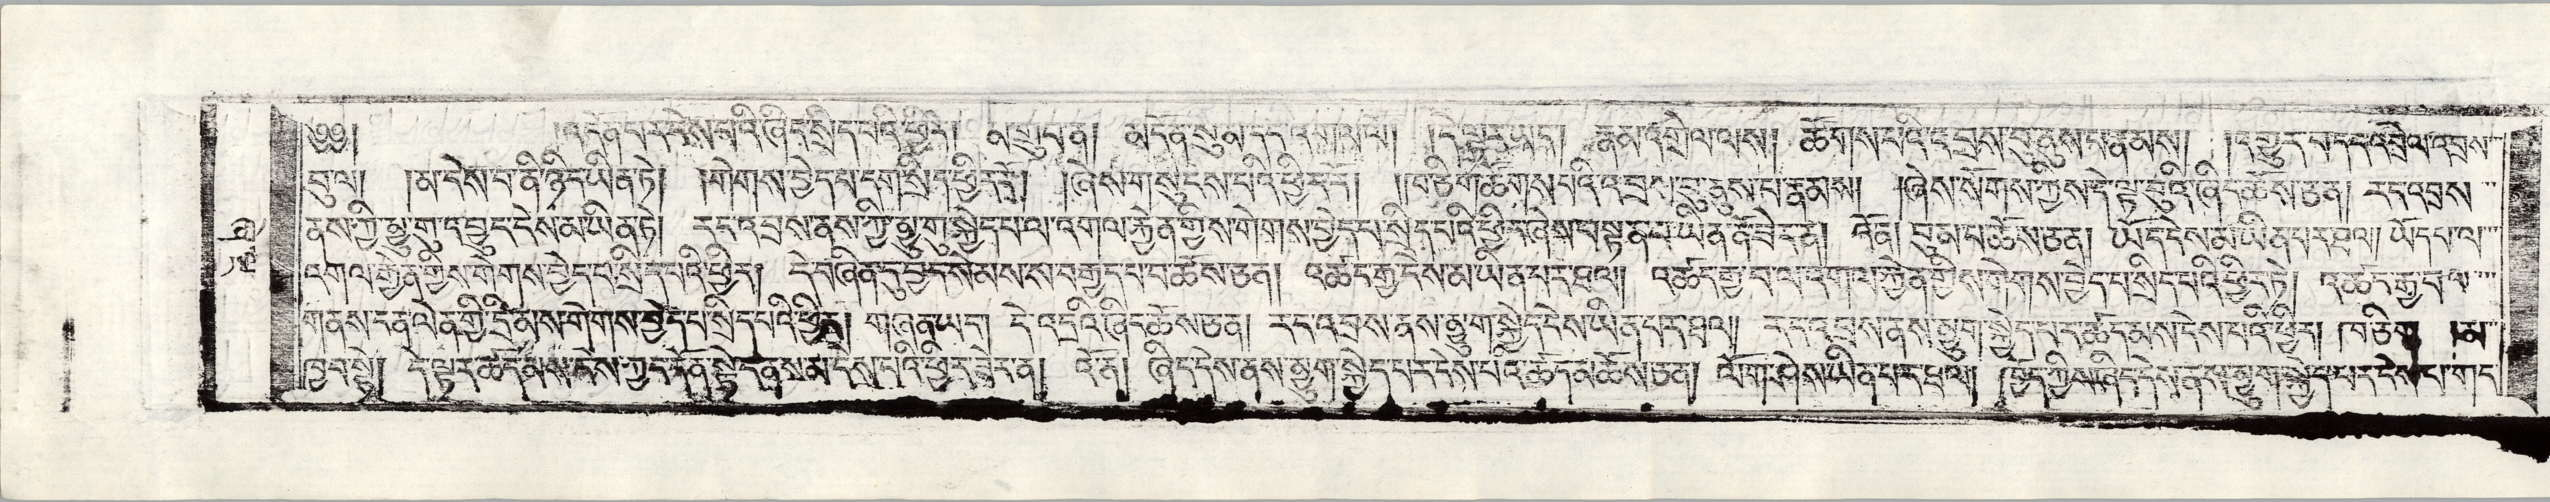༄༅། །འདོན་པར་ངེས་པའི་ཞིང་སྲིད་པའི་ཕྱིར། མ་གྲུབ་ན། མངོན་སུམ་དང་འགལ་ལོ། །དེ་ལྟར་ཡང་། རྣམ་འགྲེལ་ལས། ཚོགས་པའི་འབྲས་བུ་ནུས་པ་རྣམས། འགྱུར་པ་དང་འབྲེལ་འབྲས་
བུ་ལ། །མ་ངེས་པ་ནི་ཉིད་ཡིན་ཏེ། །གེགས་བྱེད་པ་དག་སྲིད་ཕྱིར་རོ། །ཞེས་གསུངས་པའི་ཕྱིར་རོ། །ཁ་ཅིག་ཚོགས་པའི་འབྲས་བུ་ནུས་པ་རྣམས། །ཞེས་སོགས་ཀྱིས་དེ་ལྟ་བུའི་ཞིང་ཆོས་ཅན། རང་འབྲས་
ནས་ཀྱི་མྱུ་གུ་འབྱུང་ངེས་མ་ཡིན་ཏེ། རང་འབྲས་ནས་ཀྱི་མྱུ་གུ་སྐྱེད་པ་ལ་འགལ་རྐྱེན་གྱིས་གེགས་བྱེད་པ་སྲིད་པའི་ཕྱིར་ཞེས་བསྟན་པ་ཡིན་ནོ་ཟེར་ན། འོ་ན། བུམ་པ་ཆོས་ཅན། ཡོད་ངེས་མ་ཡིན་པར་ཐལ། ཡོད་པ་ལ་
འགལ་རྒྱེན་གྱིས་གེགས་བྱེད་པ་སྲིད་པའི་ཕྱིར། དེ་བཞིན་དུ་བྱང་སེམས་ས་བརྒྱད་པ་བ་ཆོས་ཅན། འཚང་རྒྱ་ངེས་མ་ཡིན་པར་ཐལ། འཚང་རྒྱ་བ་ལ་འགལ་རྐྱེན་གྱིས་གེགས་བྱེད་པ་སྲིད་པའི་ཕྱིར་ཏེ། འཚང་རྒྱ་བ་ལ་
གནས་ངན་ལེན་གྱི་དྲི་མས་གེགས་བྱེད་པ་སྲིད་པའི་ཕྱིར། གཞན་ཡང་། དེ་འདྲའི་ཞིང་ཆོས་ཅན། རང་འབྲས་ནས་མྱུག་སྐྱེད་ངེས་ཡིན་པར་ཐལ། རང་འབྲས་ནས་མྱུག་སྐྱེད་པར་ཚད་མས་ངེས་པའི་ཕྱིར། ཁ་ཅིག །མ་
ཁྱབ་སྟེ། དེ་ལྟར་ཚད་མས་ངེས་ཀྱང་དོན་སྟེང་ནས་མ་ངེས་པའི་ཕྱིར་ཟེར་ན། འོ་ན། ཞིང་དེས་ནས་མྱུག་སྐྱེད་པར་ངེས་པའི་ཚད་མ་ཆོས་ཅན། ལོག་ཤེས་ཡིན་པར་ཐལ། ཁྱོད་ཀྱིས་ཞིང་དེས་ནས་མྱུག་སྐྱེད་པར་ངེས་པ་གང་